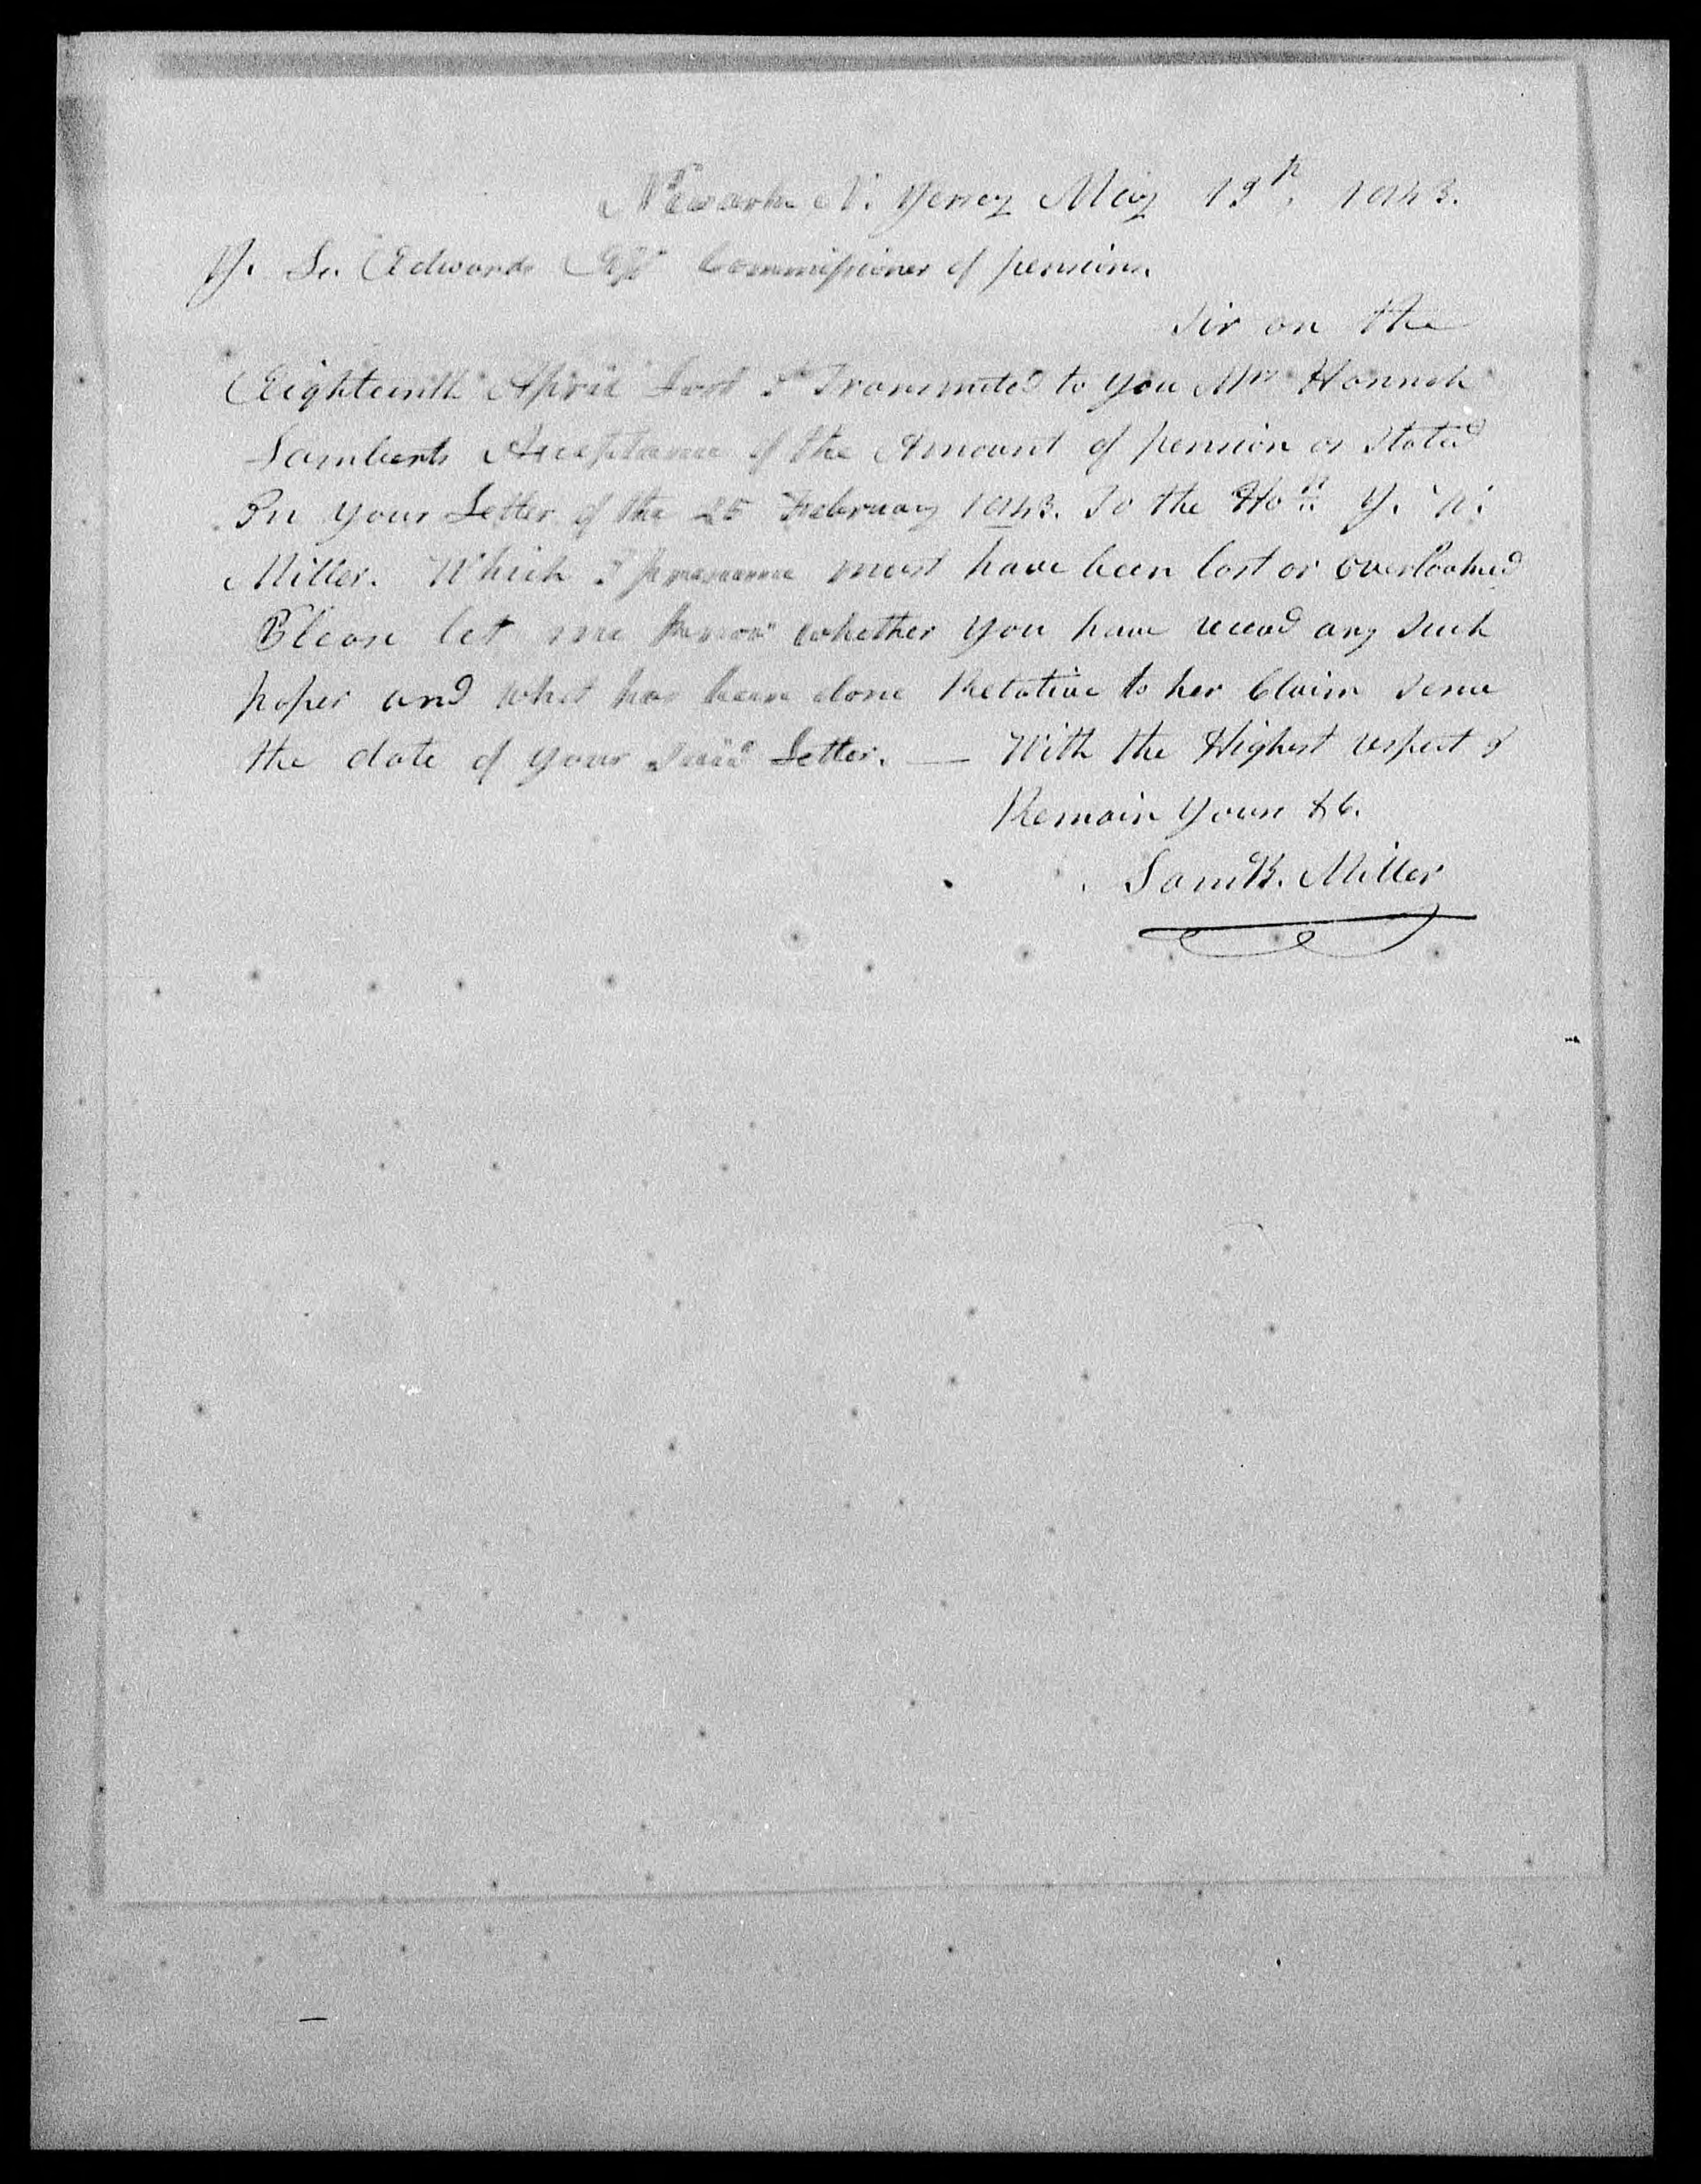Newark N. Jersey May 19th 1843
J. L. Edwards Commissioner of pensions
Sir on the Eighteenth April I transmited to you Mrs Hannah Lambert Acceptance of the Amount of pension as stated In your Letter of the 25 February 1843. To the Hon J.W. Miller, Which I presume must have been lost or overlooked.
Please let me know whether you have received any such paper and what has been done relative to her claim send the date of your said Letter-- with the highest respect
Remain Your &
Sam B. Miller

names: J L Edwards; Hannah Lambert; Saml B Miller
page: 45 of 49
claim: widow's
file: W. 859, for James Lambert, New Jersey